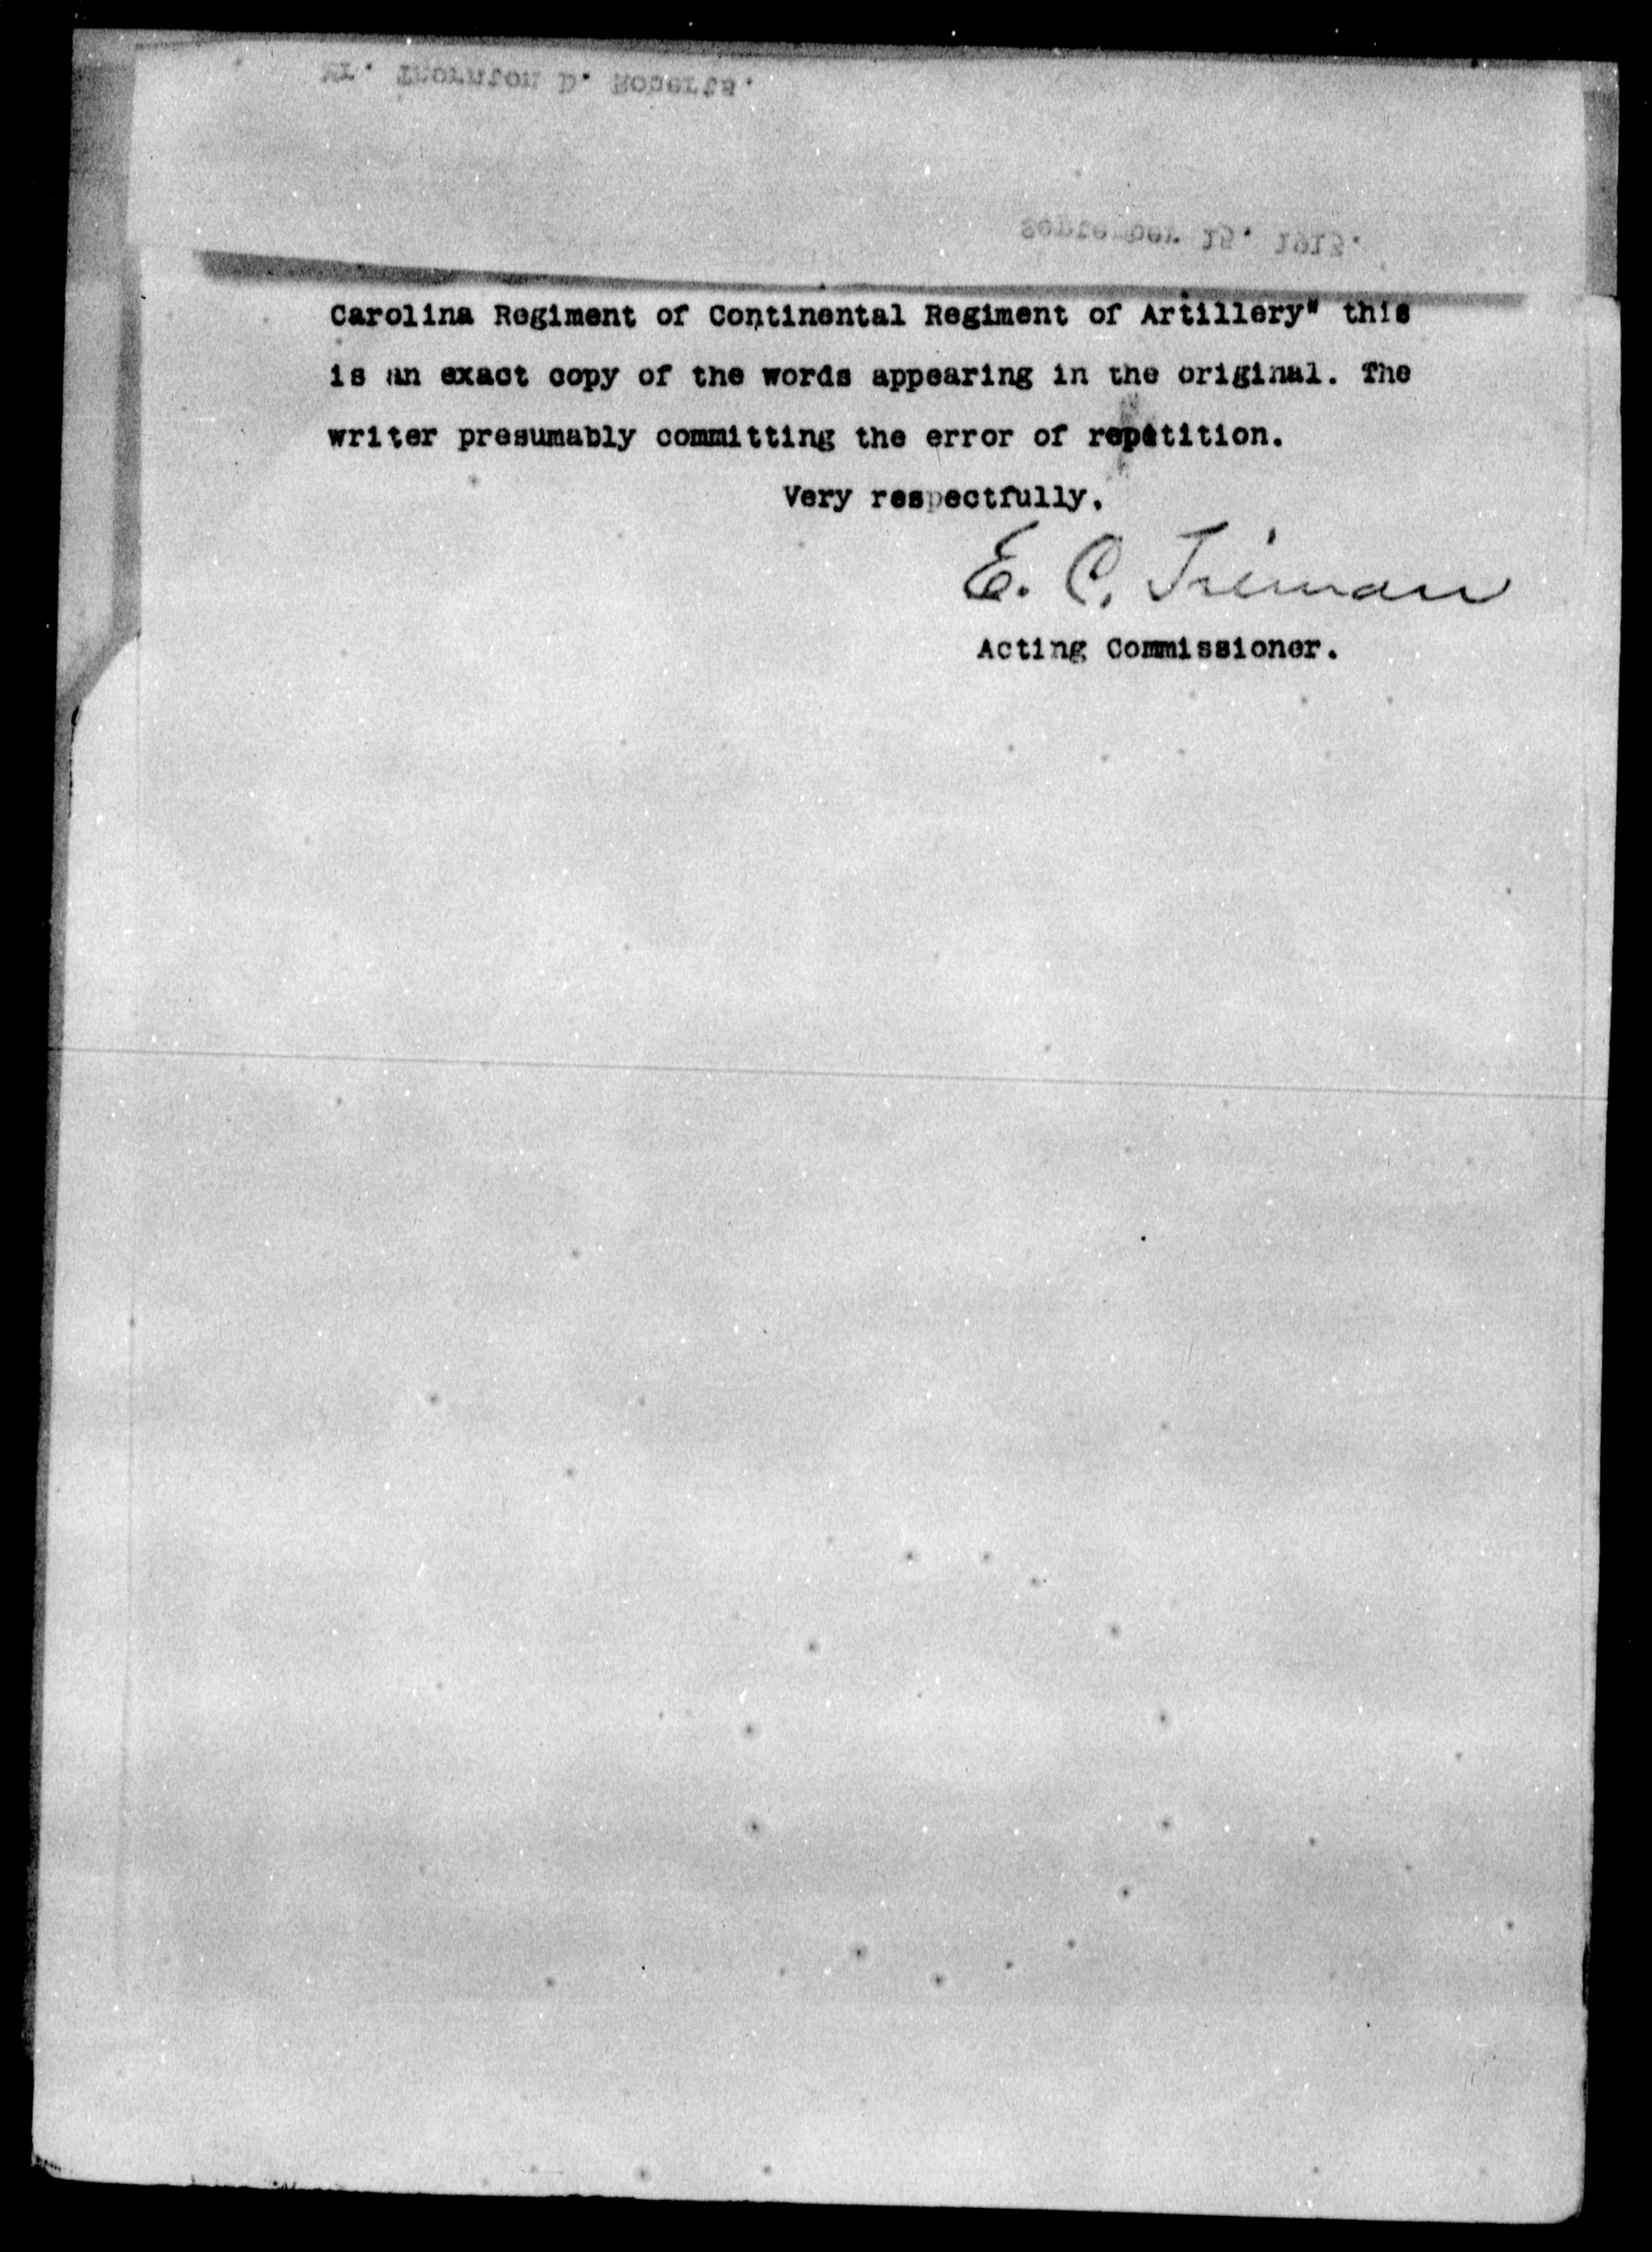Carolina Regiment of Continental Regiment of Artillery" this is an exact copy of the words appearing in the original. The writer presumably committing the error of repetition.
Very respectfully,
E.C. Truman
Acting Commissioner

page: 43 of 59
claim: bounty land warrant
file: B.L.Wt. 2359-500, for Owen Roberts, South Carolina